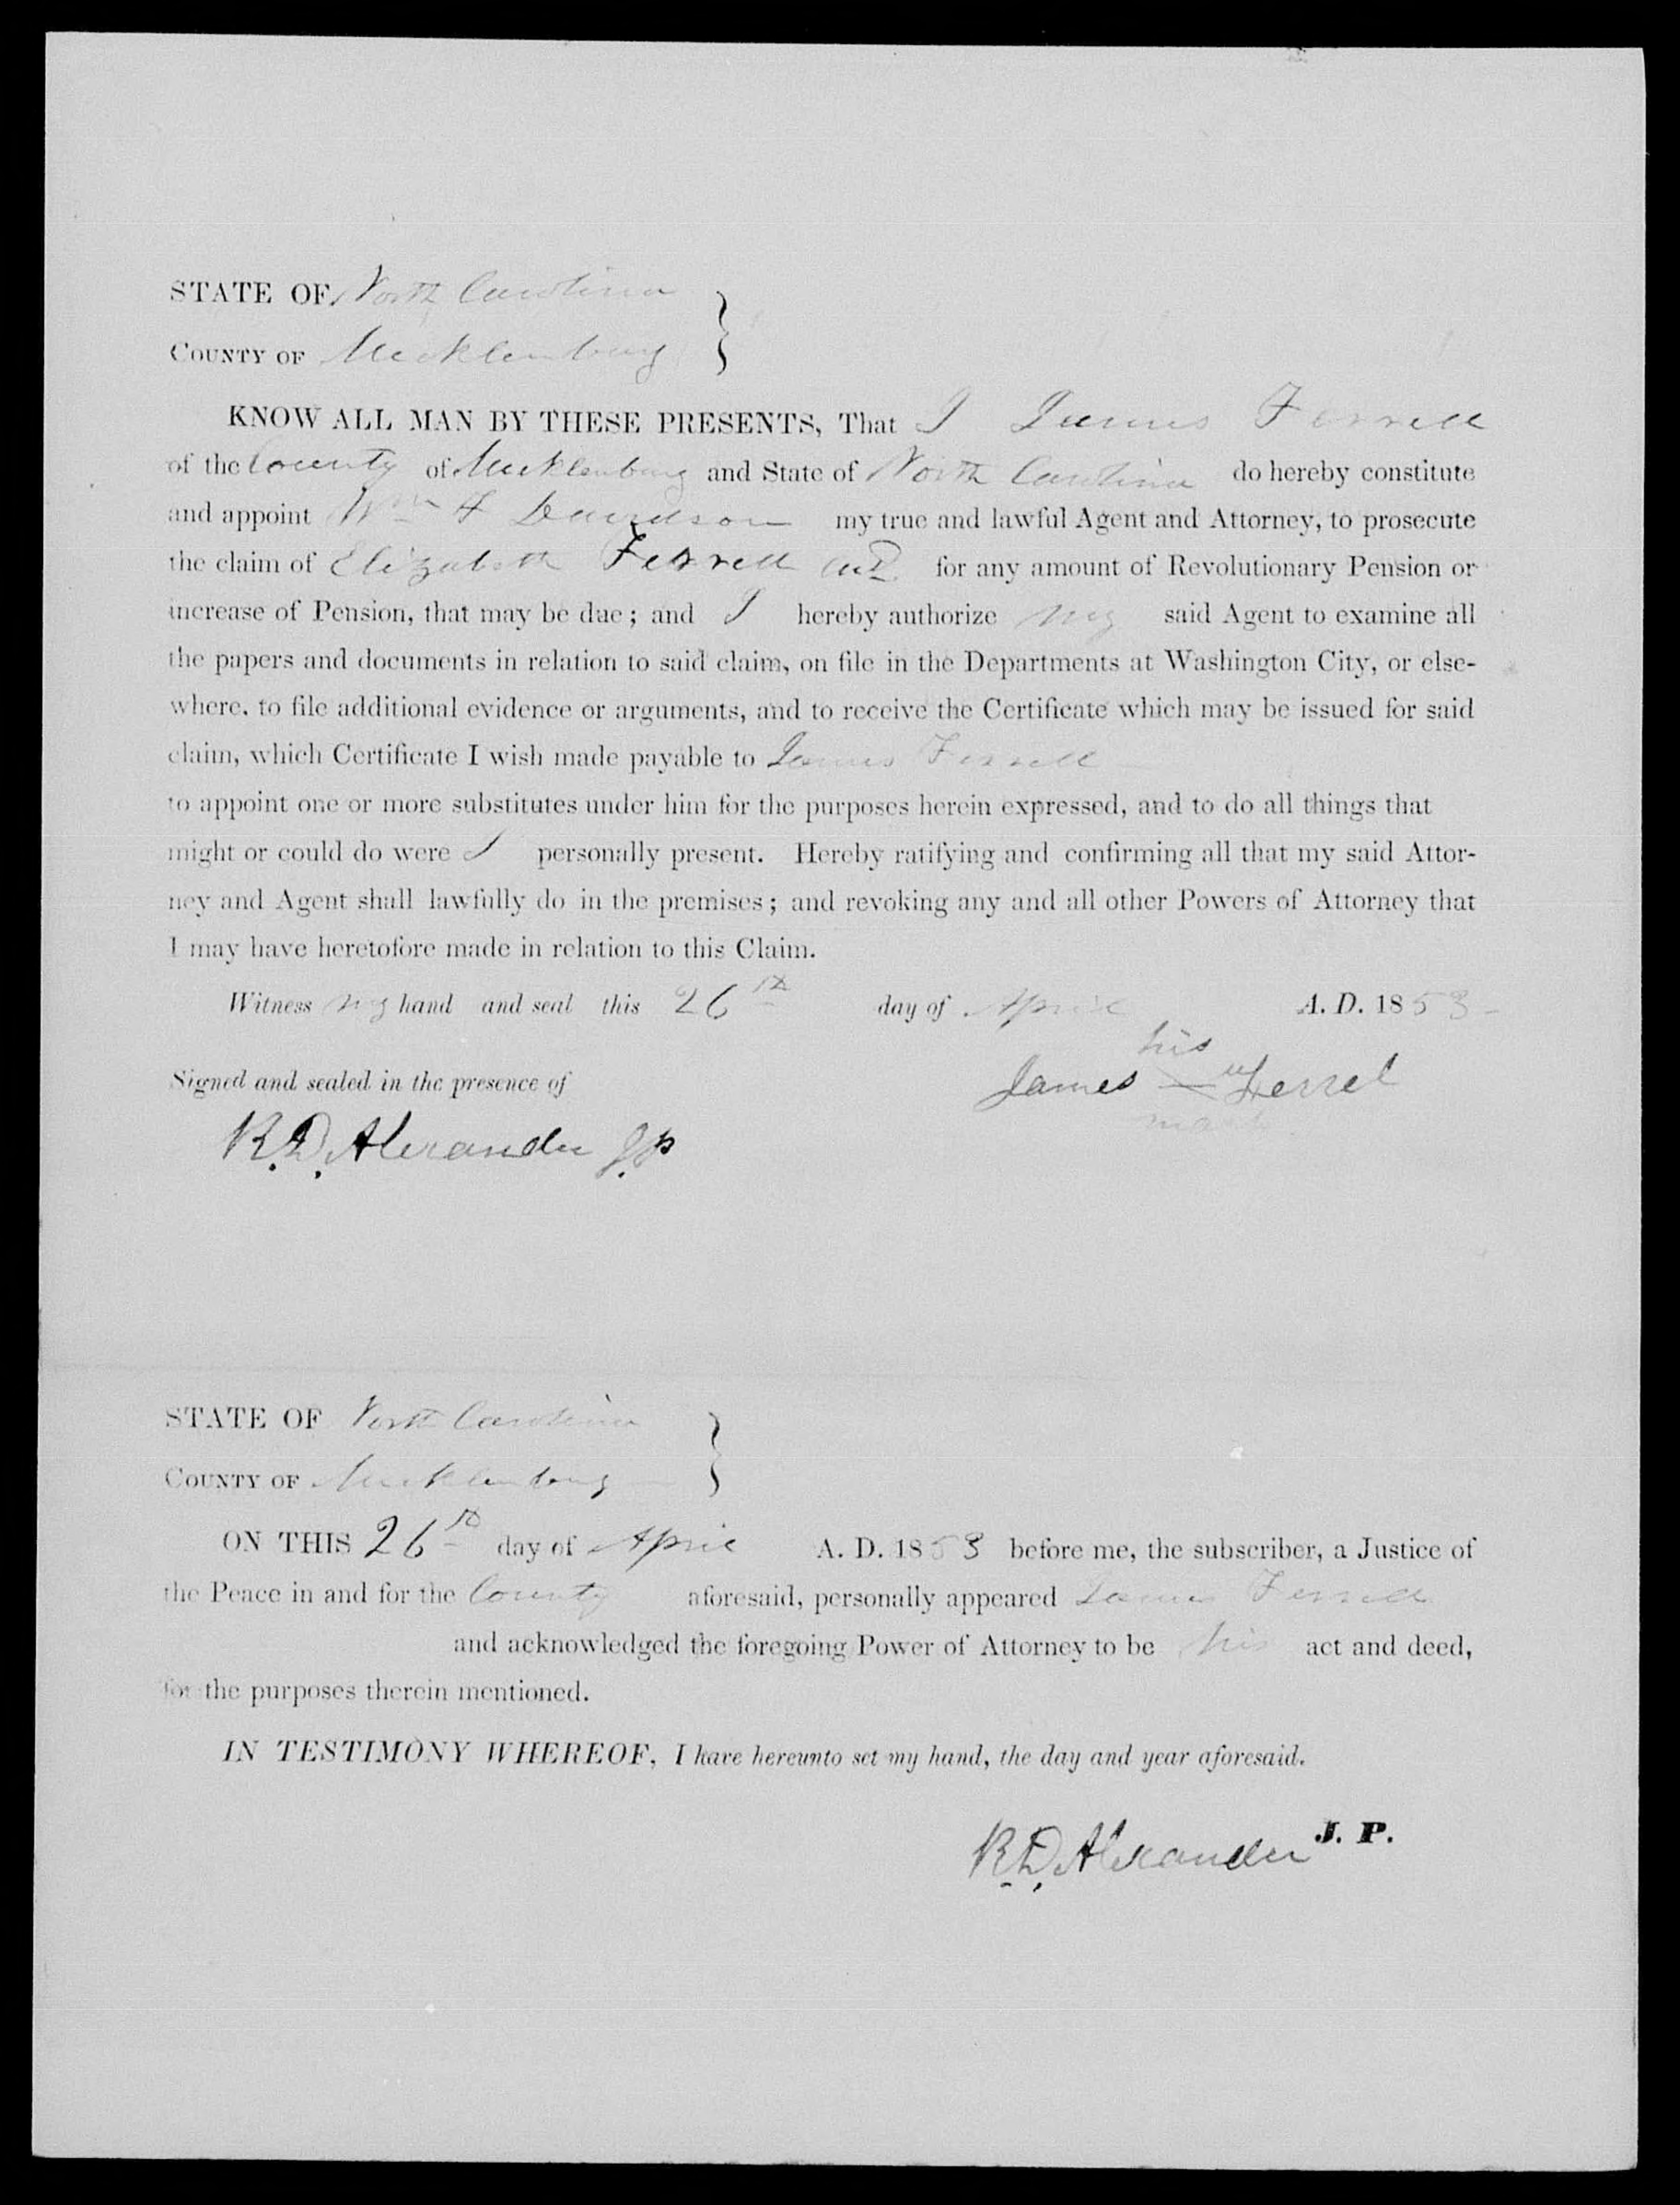State of North Carolina
County of Meckenburg
KNOW ALL MAN BY THESE PRESENTS, That I James Ferrell of the County of Meckenburg and Dat of North Carolina do hereby constitute and appoint Wm. H. Davidson my true and lawful Agent and Attorney, to prosecute the claim of Elizabeth Ferrell for any amount of Revolutionary Pension or increase of Pension, that may be due; and I hereby authorize my said Agent to examine all the papers and documents in relation to said claim, on file in the Departments at Washington City, or elsewhere, to file additional evidence or arguments, and to receive the certificate which may be issued for said claim, which Certificate I wish made payable to James Ferrell
To appoint one or more substitutes under him for the purposes herein expressed, and to do all the things that might or could do were I personally present.  Hereby ratifying and confirming all that my said Attorney and Agent shall lawfully do in the premises; and revoking any and all other Powers of Attorney that I may have heretofore made in relation to this Claim.
Witness my hand and seal this 26th day of April A.D. 1853.
Signed and sealed in the presence of R.D. Alexander JP
James Ferrell his mark
State of North Carolina
County of Muckenburg
On this 26th day of APril A.D. 1853 before me, the subscriber, a Justice of the Peace in and fre the County aforesaid, personally appeared James Ferrell and acknowledged the foregoing Power of Attorney to be his act and deed, for the purposes therein mentioned.
IN TESTIMONY WHEREOF, I have hereunto set my hand, the day and year aforesaid.
R.D. Alexander JP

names: R D Alexander, James Ferrel, James Ferrell, James Ferrell, Elizabeth Farrell, Wm F Davidson, James Ferrell, R D Alexander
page: 21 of 52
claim: rejected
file: R. 3,512, John Ferrell, N.C.